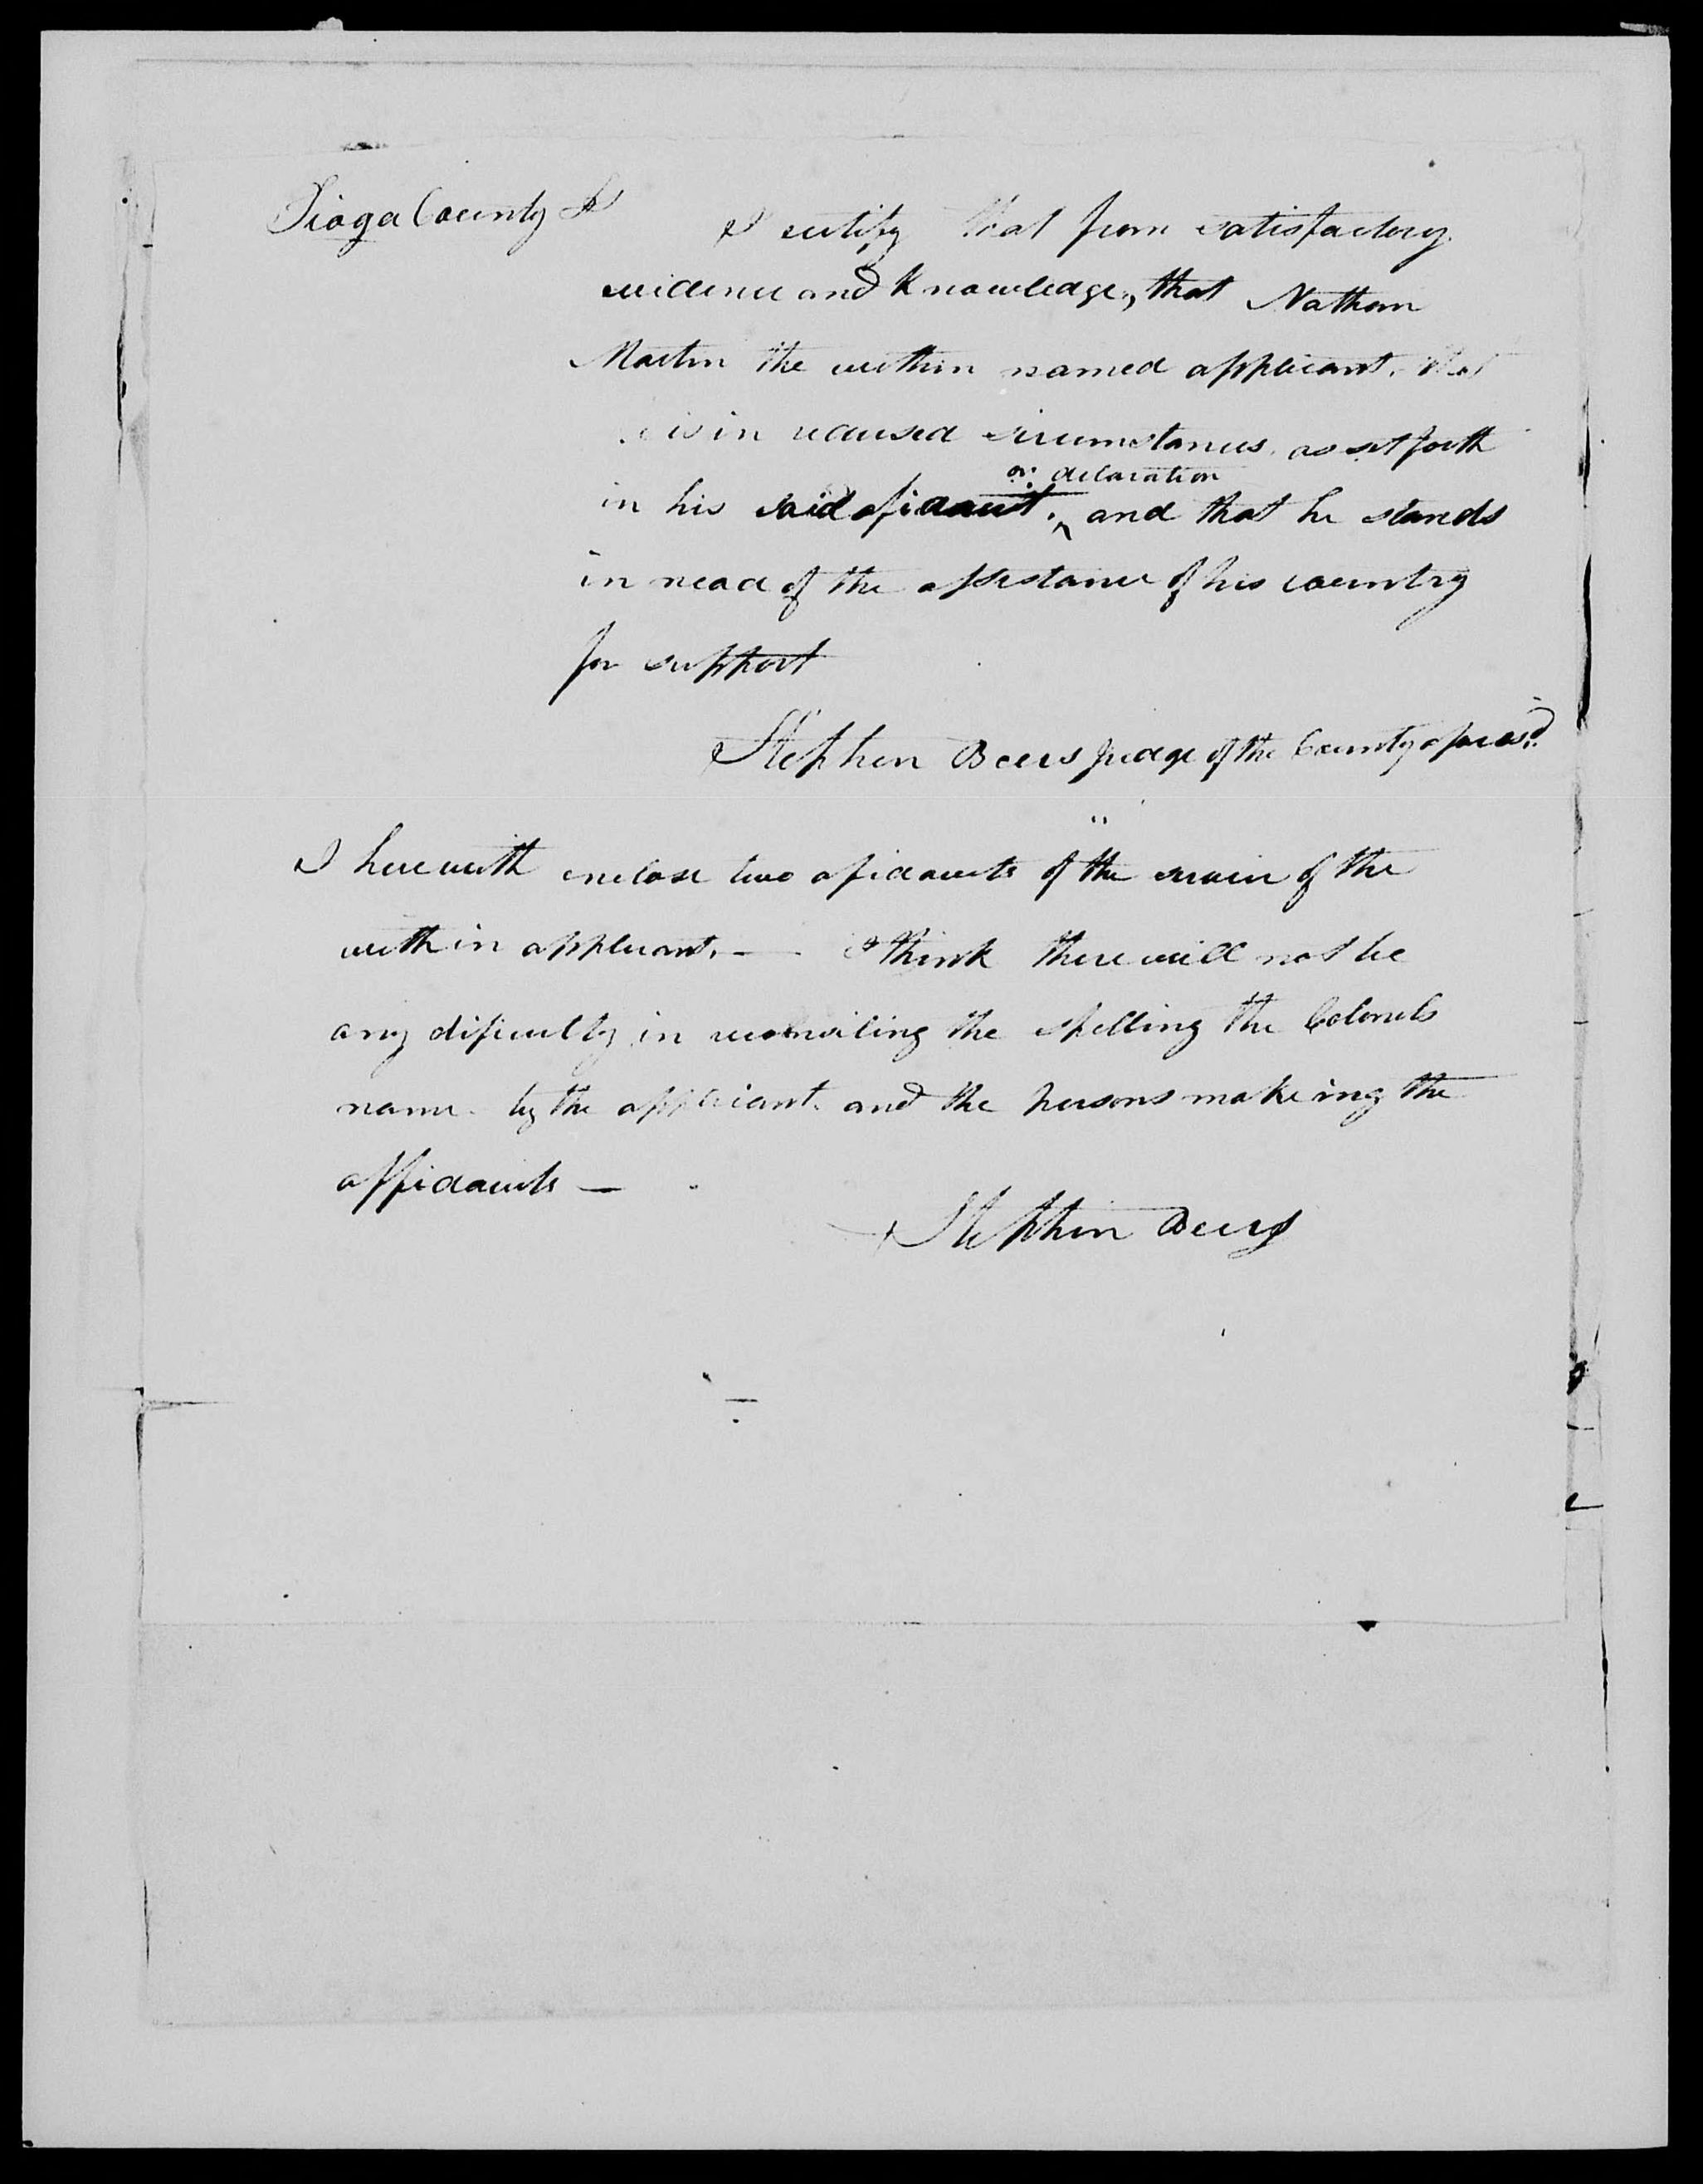Tioga County ss
I certify that from satisfactory
evidence and knowledge, that
Nathan
Martin the within named applicant,
in reduced circumstances, as set forth

in his said affidavit a declaration and that he stands
in head of the assistance of his country
for support
Stephen Beers Judge of the County pleas
I herewith enclose two affidavits of the swain of the
within applicant. I think there will not be
any difficulty in reconciling the spelling the Colonels
name, by the applicant and the persons making the affidavits
Stephen Beers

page: 6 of 30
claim: widow's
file: W. 23,904, for Nathan Martin, New Hampshire